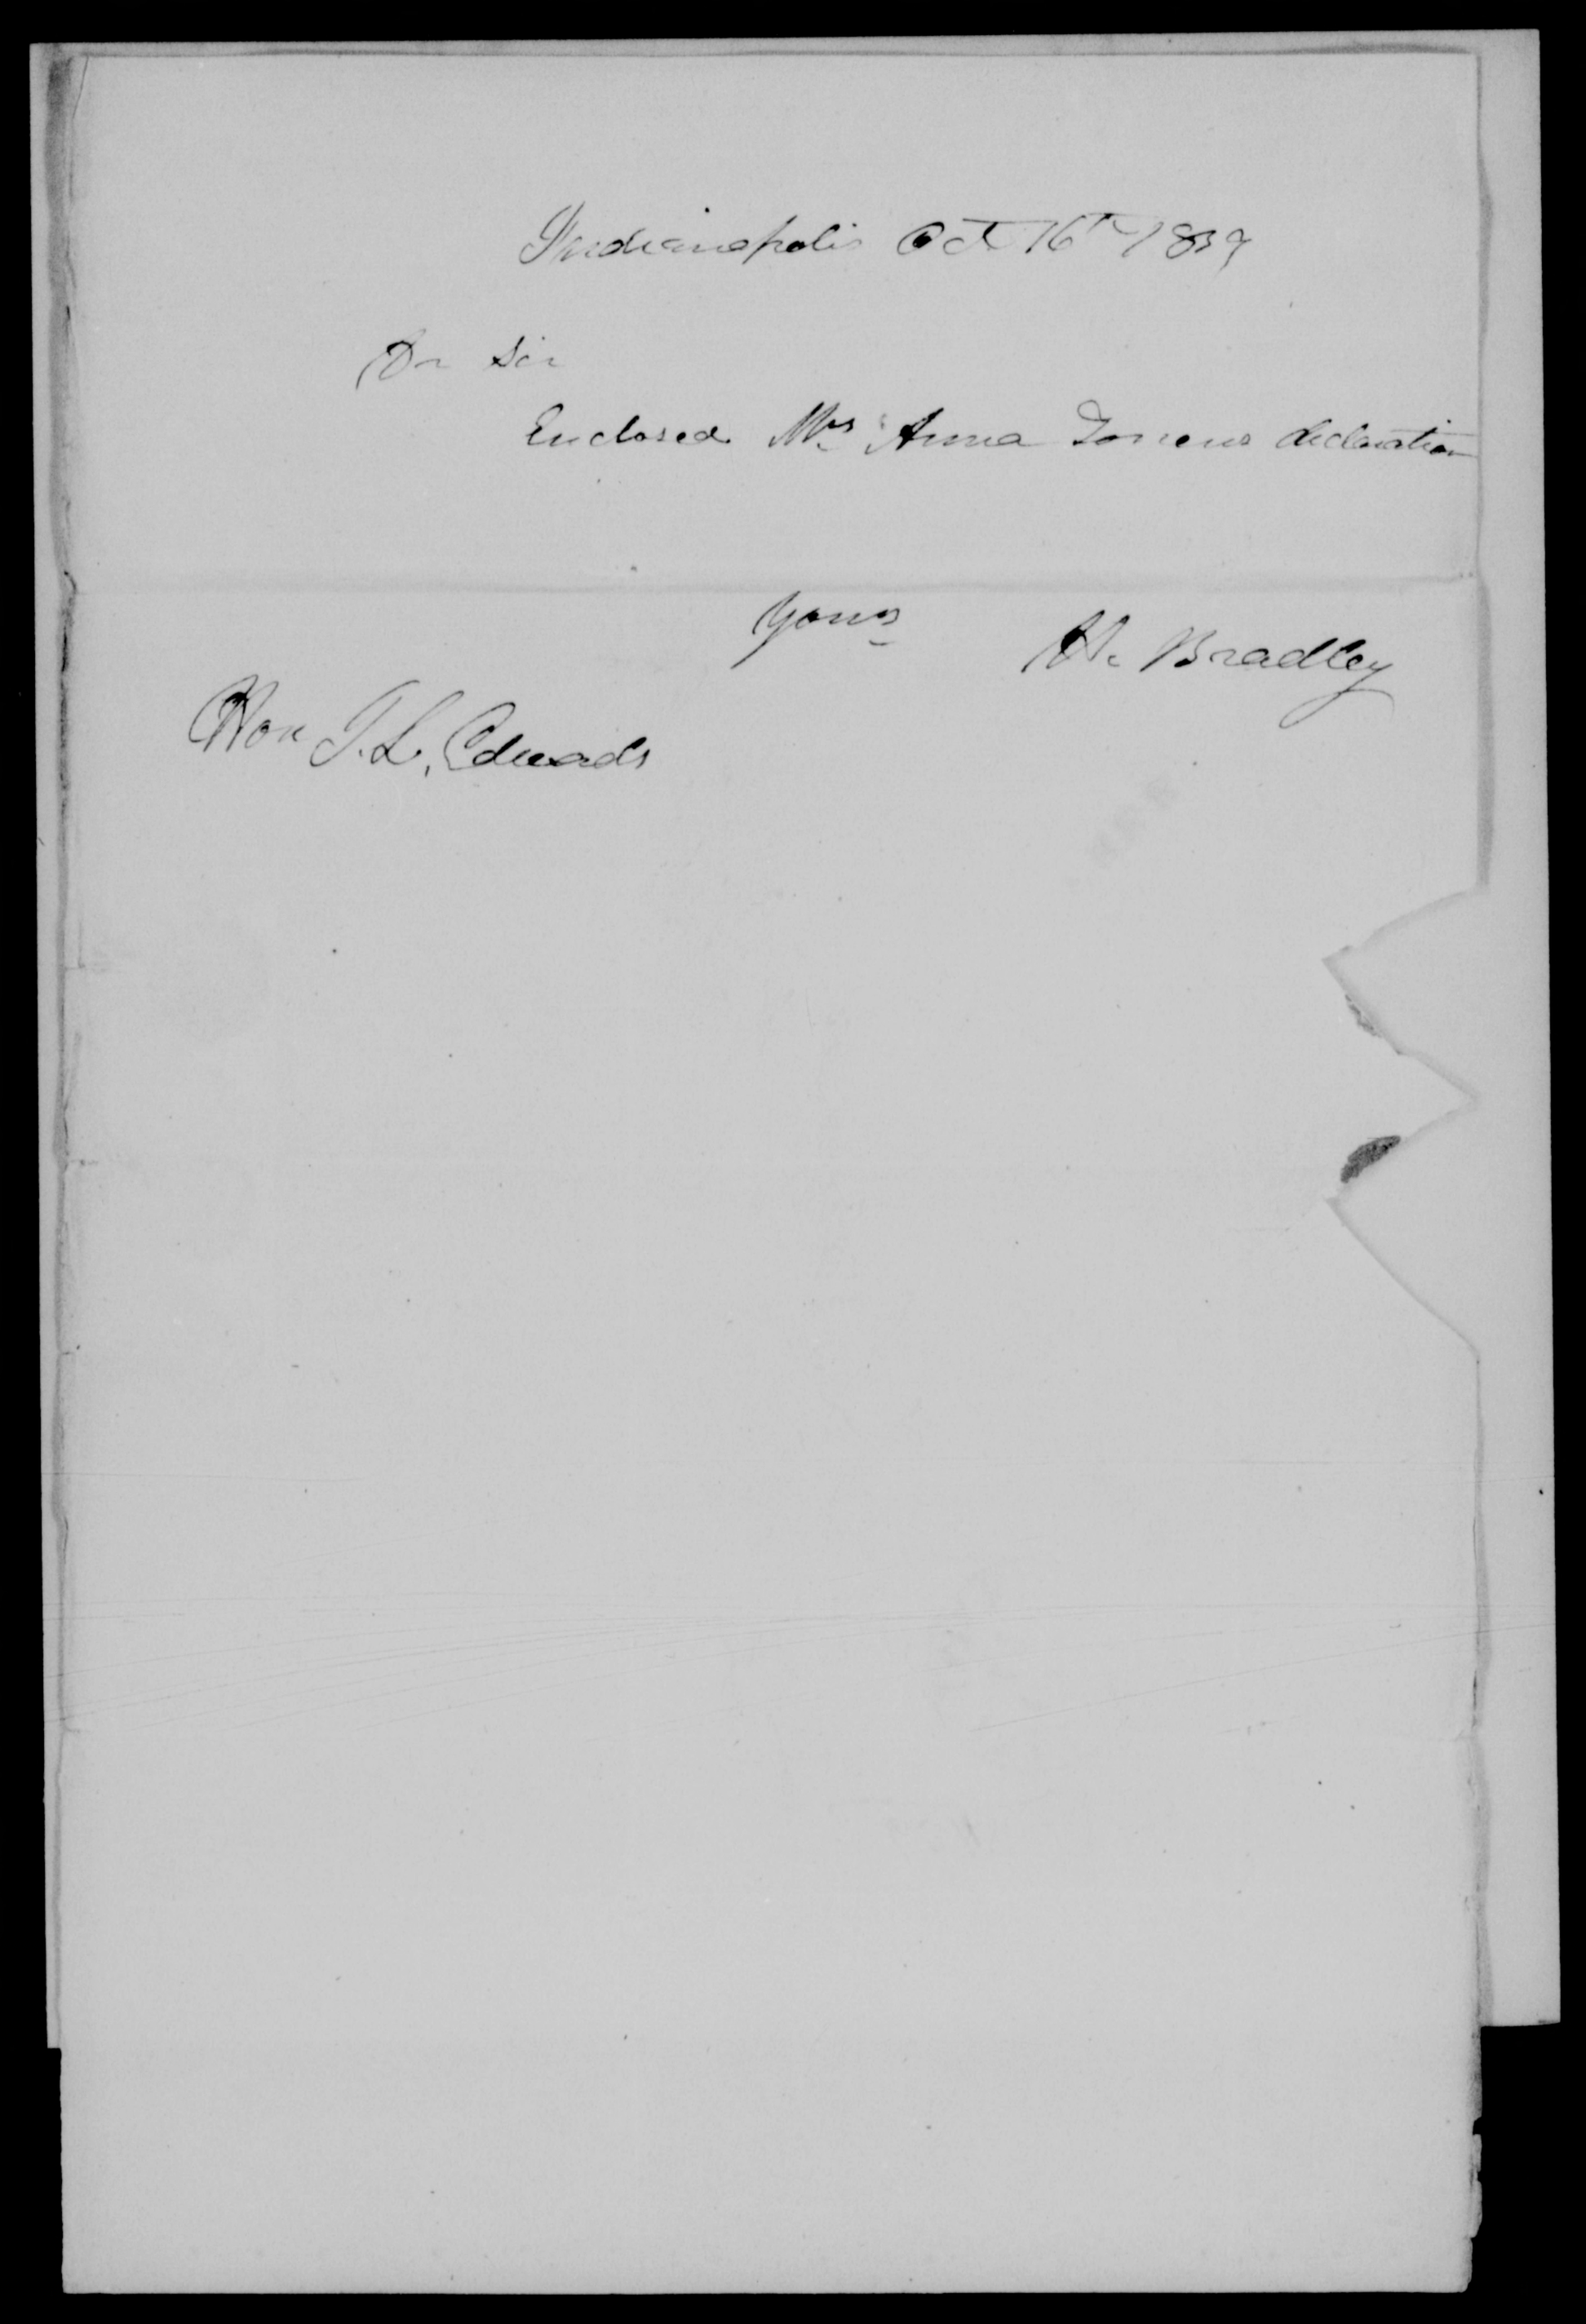Indianapolis Oct 16th 1839
Dr Sir
Enclosed Mrs. Anna Torrens declaration
Yours,
McBradley
Hon J. L. Edwards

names: Mc Bradley, Anna Torrens, J L Edwards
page: 23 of 27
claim: widow's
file: W. 9860, Samuel Torrons, Va.